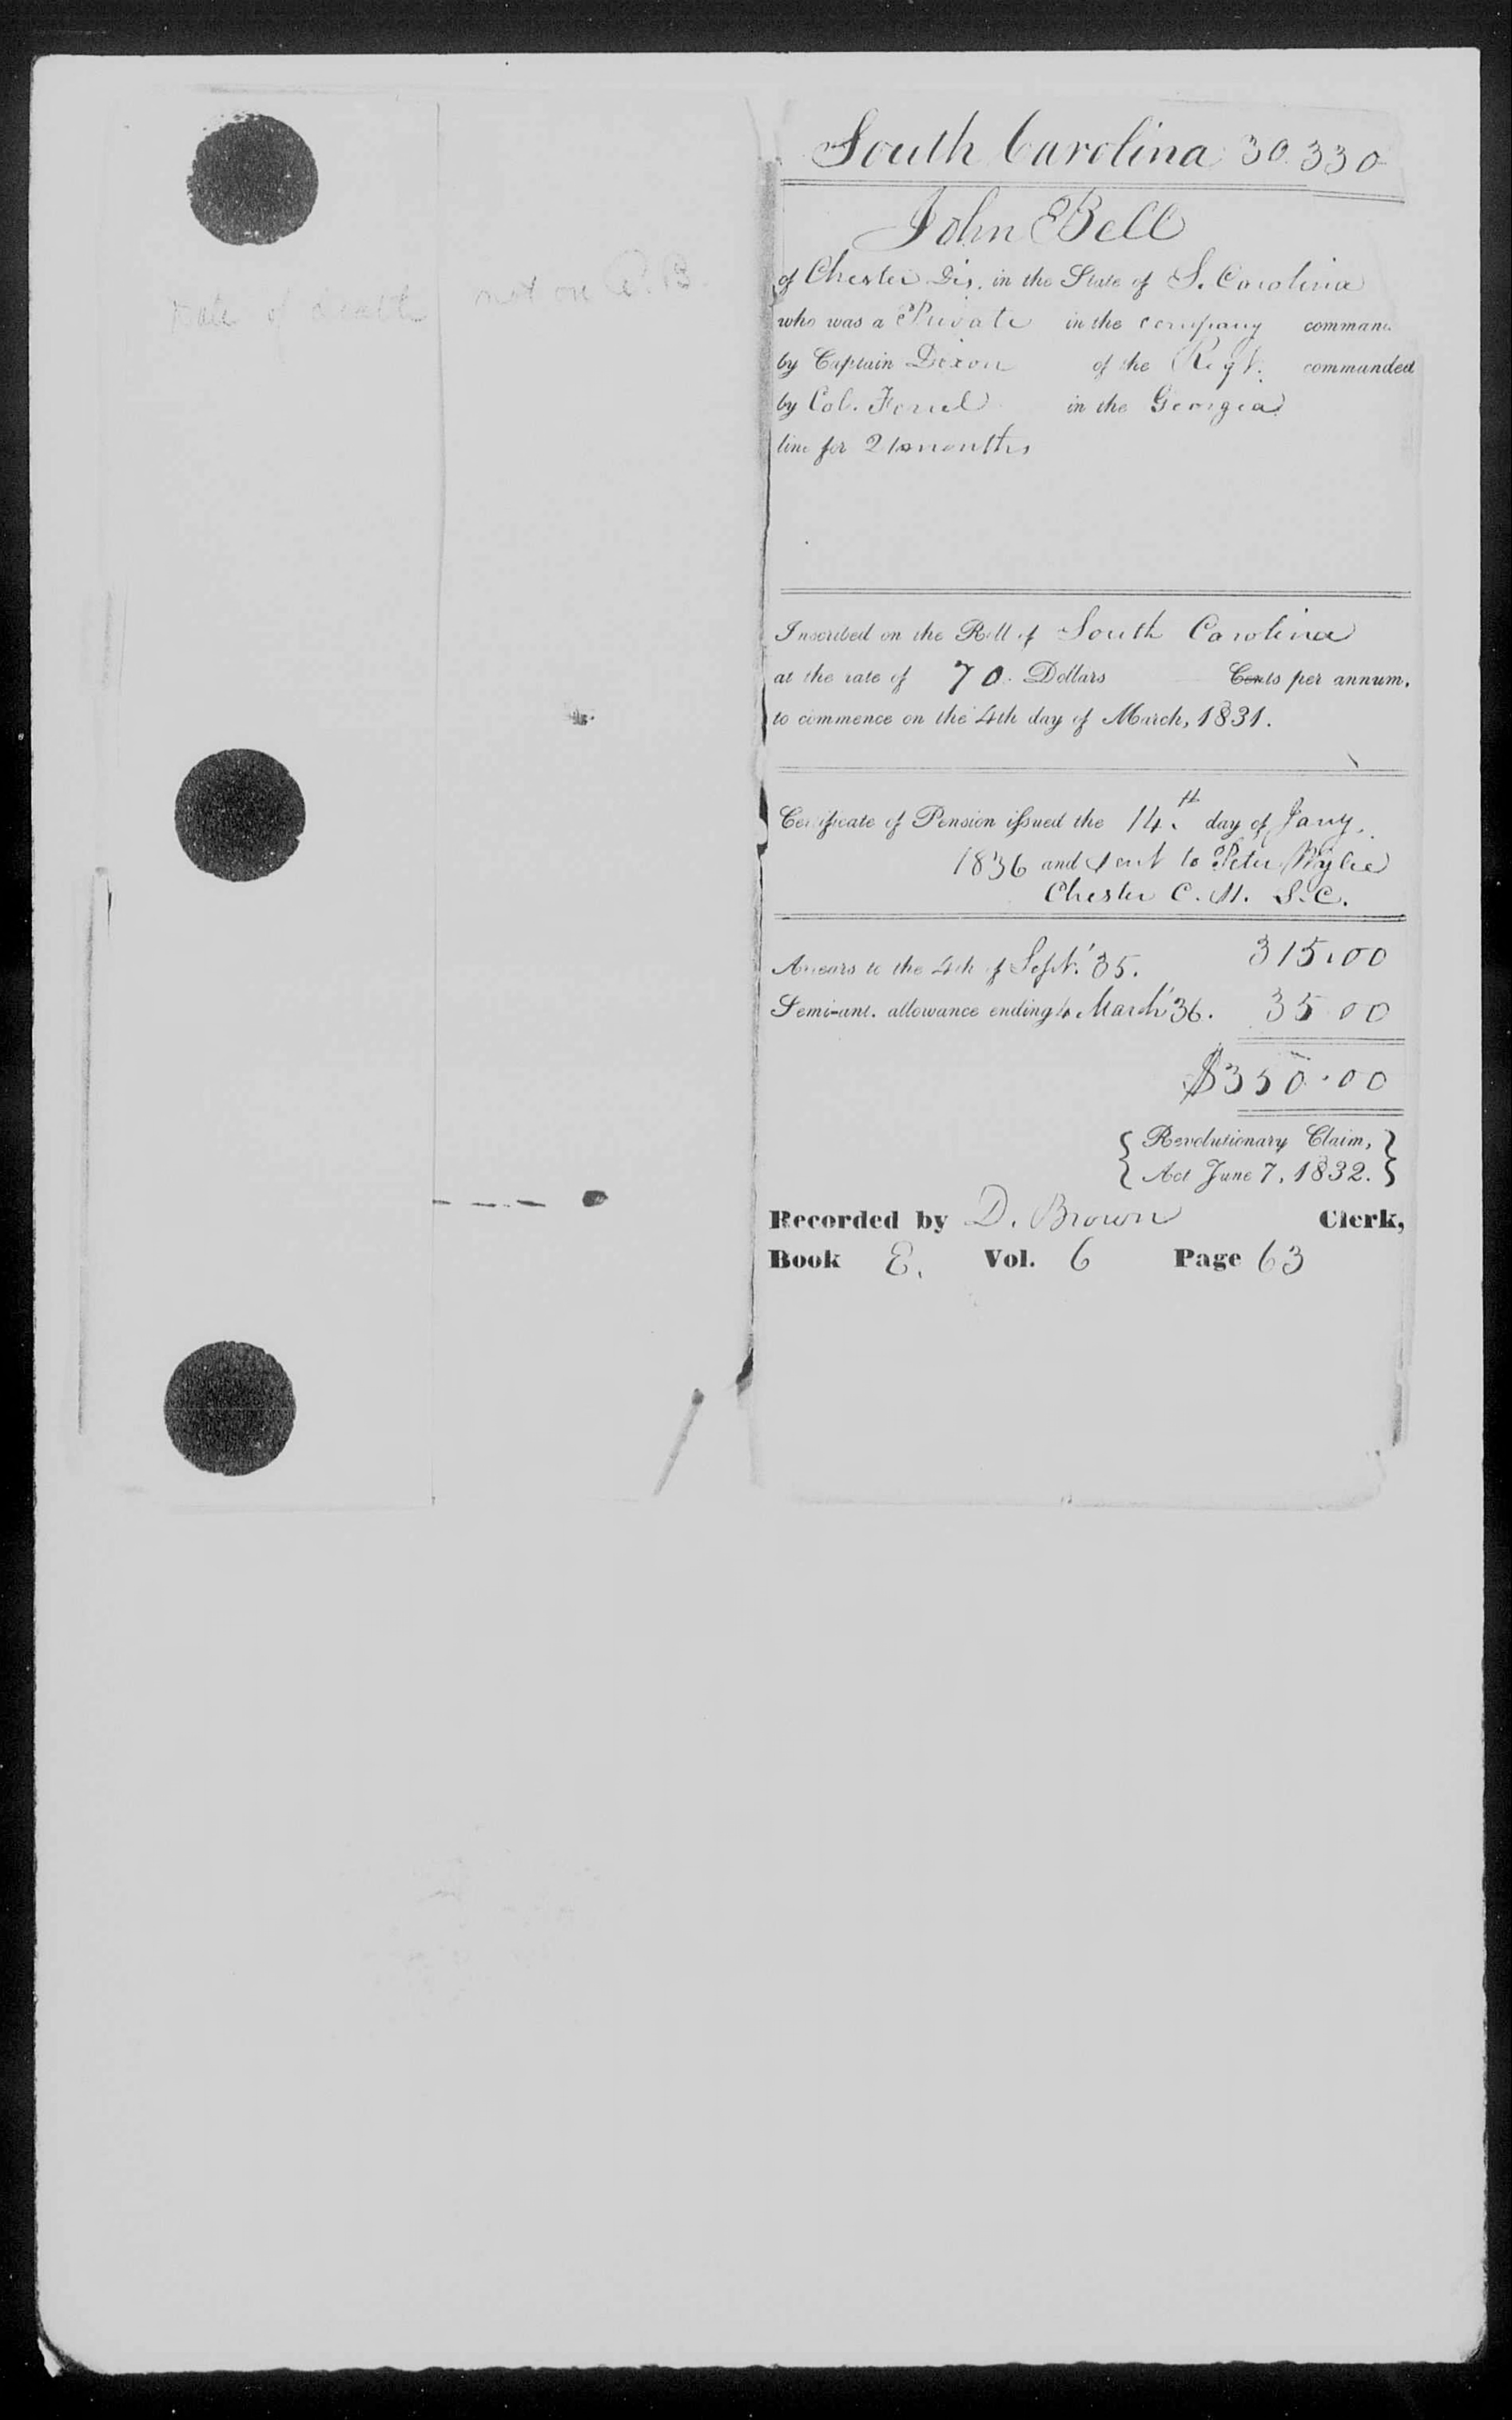( left page ) Date of death not on A.B. ( right page )  South Carolina 30330 John Bell of Chester Dis. in the State of S. Carolina who was a Private in the company commanded by Captain Dixon of the Regt. commanded by Col. Ferral in the Georgia line for 21 months. Inscribed on the Roll of South Carolina at the rate of 70 Dollars  per annum to commence of the 4th day of March 1831. Certificate of Pension issued  the 14th day of Jany  1836 and sent to Peter Wylie  Chester C. H. S. C. Arrears to the 4th of Sept. '35. $ 315.00 Semi -anl . allowance ending 4 March '36. $ 35.00  ( total $350,00) { Revolutionary Claim , Act June 7, 1832.} Recorded by D. Brown Clerk, Book E. Vol. 6 Page 63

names: Ferrel, D Brown, John Bell, Dixon, Peter Wylie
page: 2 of 23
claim: survivor's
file: S. 21068, John Bell, Ga. N. C. S. C.